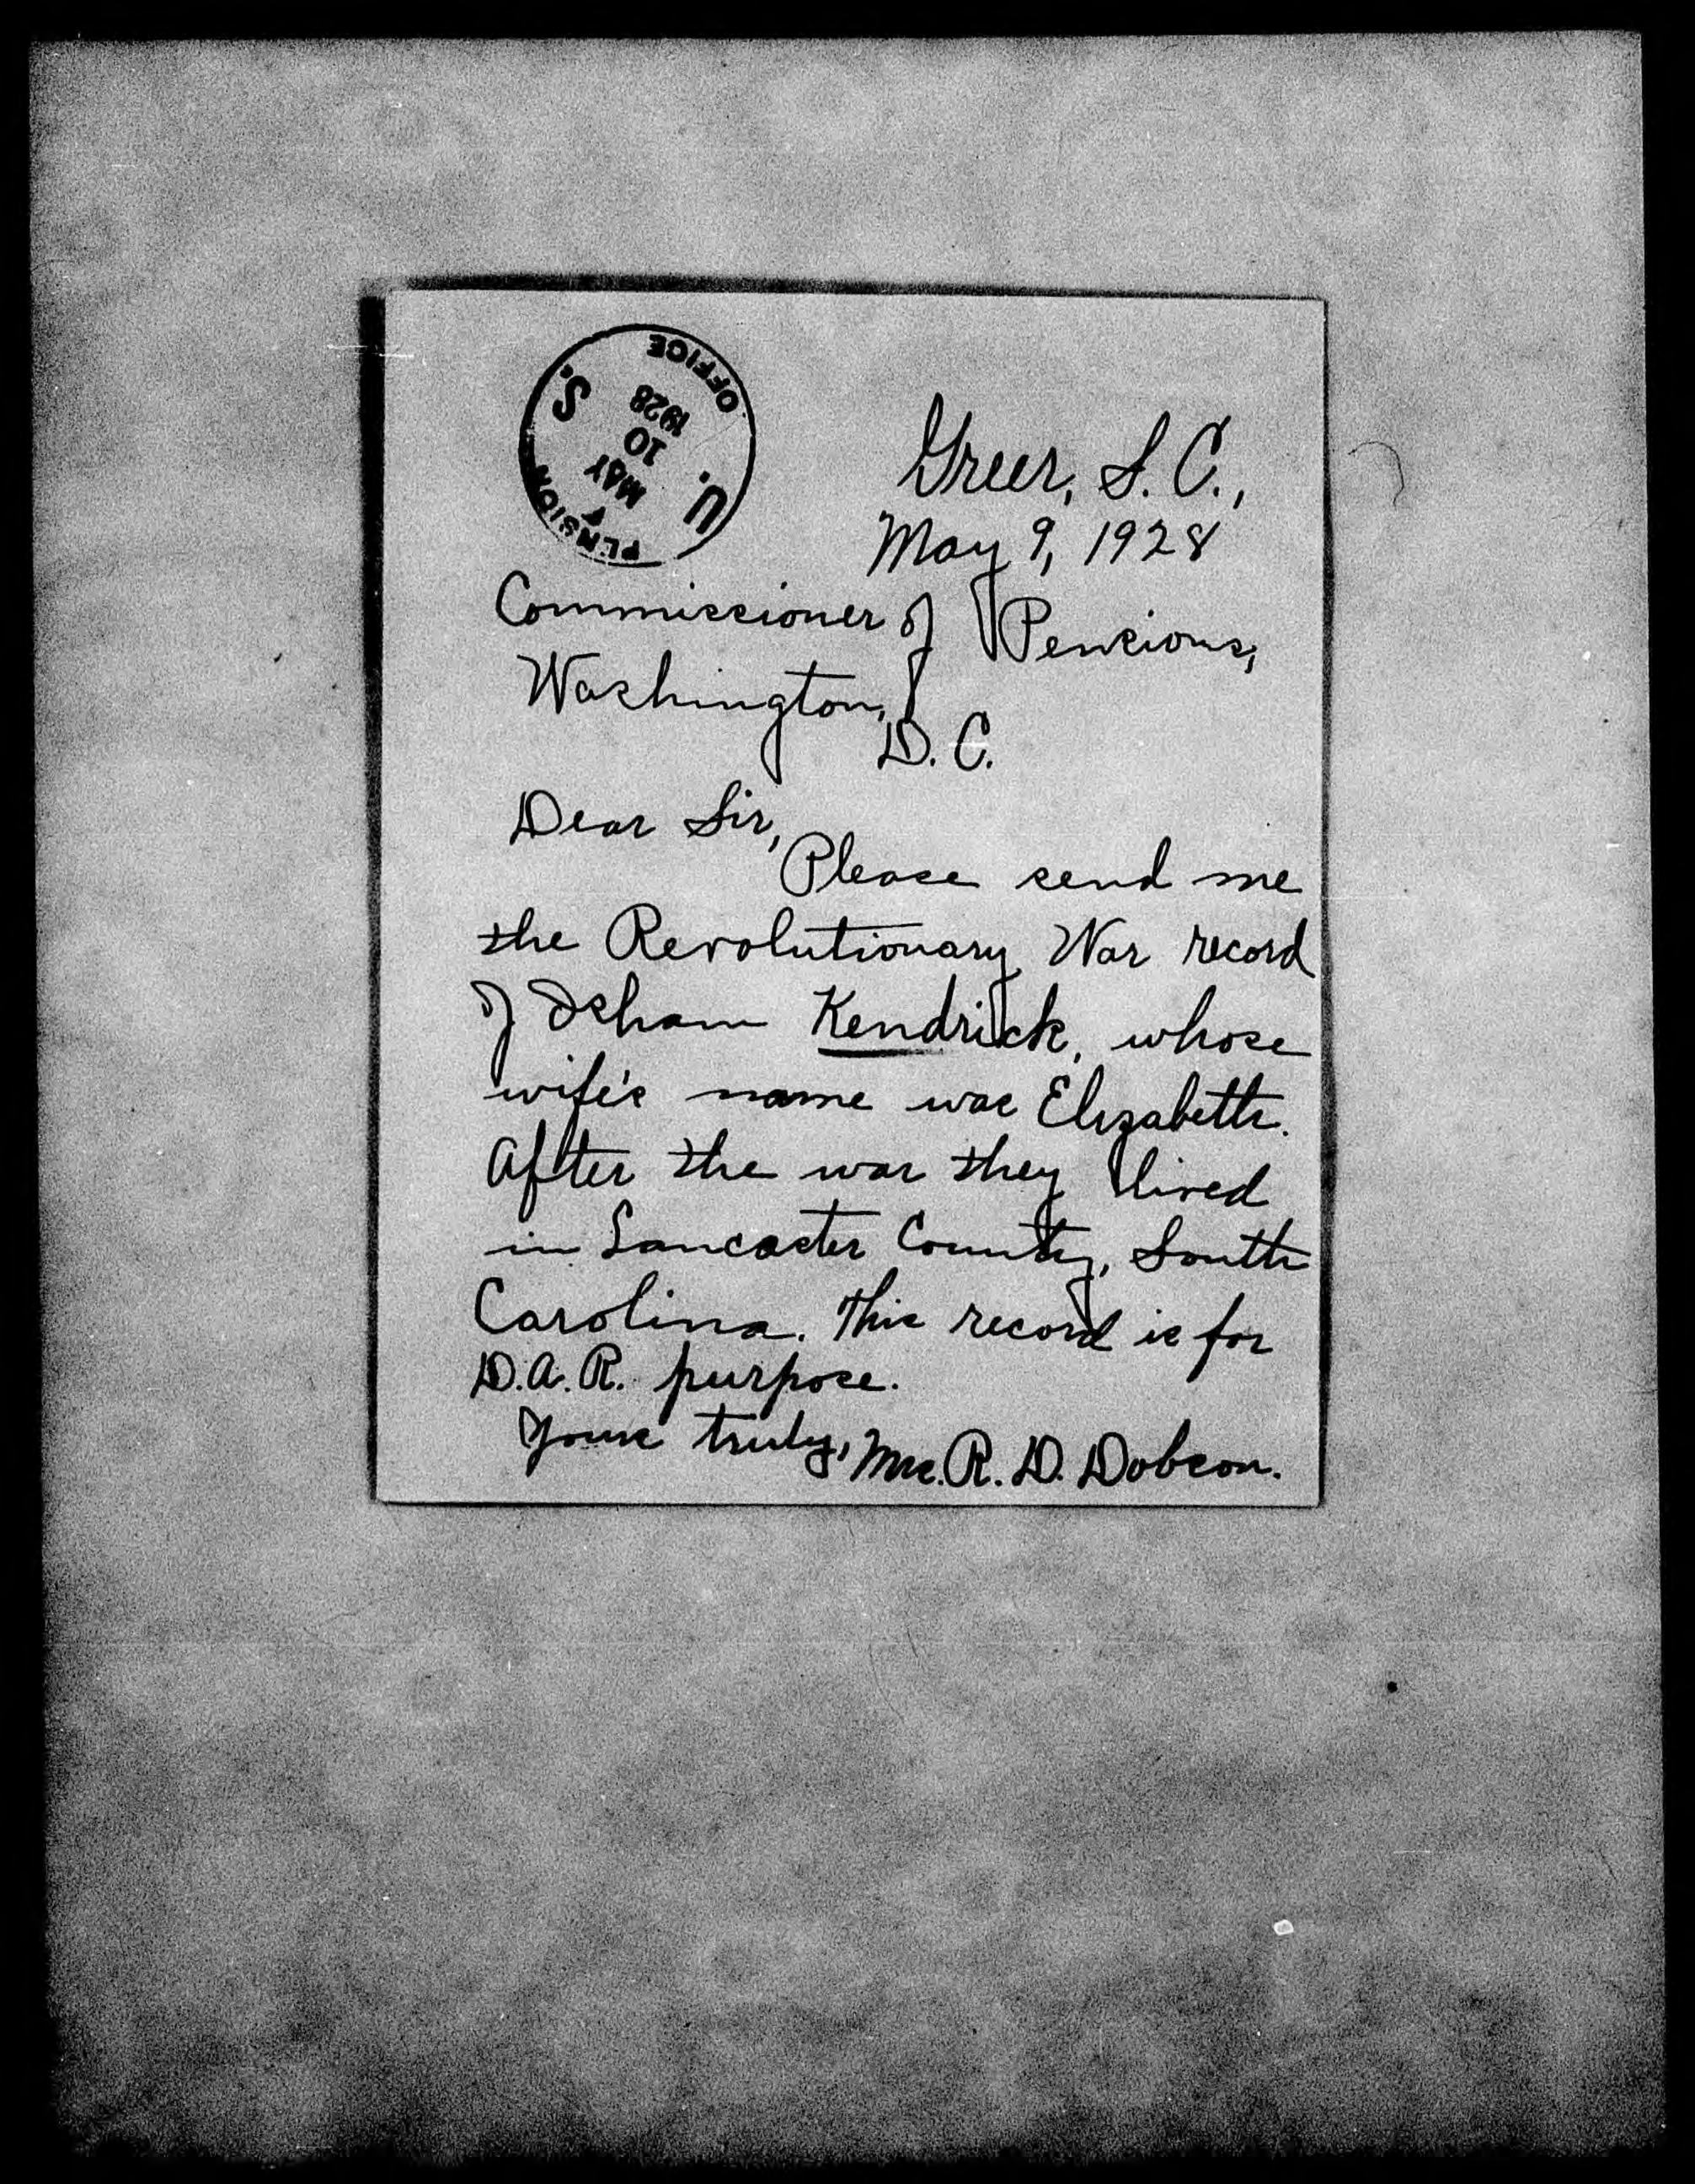Greer, S. C.
May 9, 1928

Commissioner of Pensions,
Washington, 
D. C.

Dear Sir,

Please send me 
the Revolutionary War record
of Isham Kendrick, whose 
wife's name was Elizabeth.
After the war they lived 
in Lancaster County, South
Carolina.  This record is for 
D.A.R. purpose.

Yours truly,
Mrs. R. D. Dobson.

[date stamp]
U. S. 
PENSION 
OFFICE 
F
MAY 
10
1928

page: 23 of 29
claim: rejected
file: R. 5862, for Isham Kendrick, North Carolina